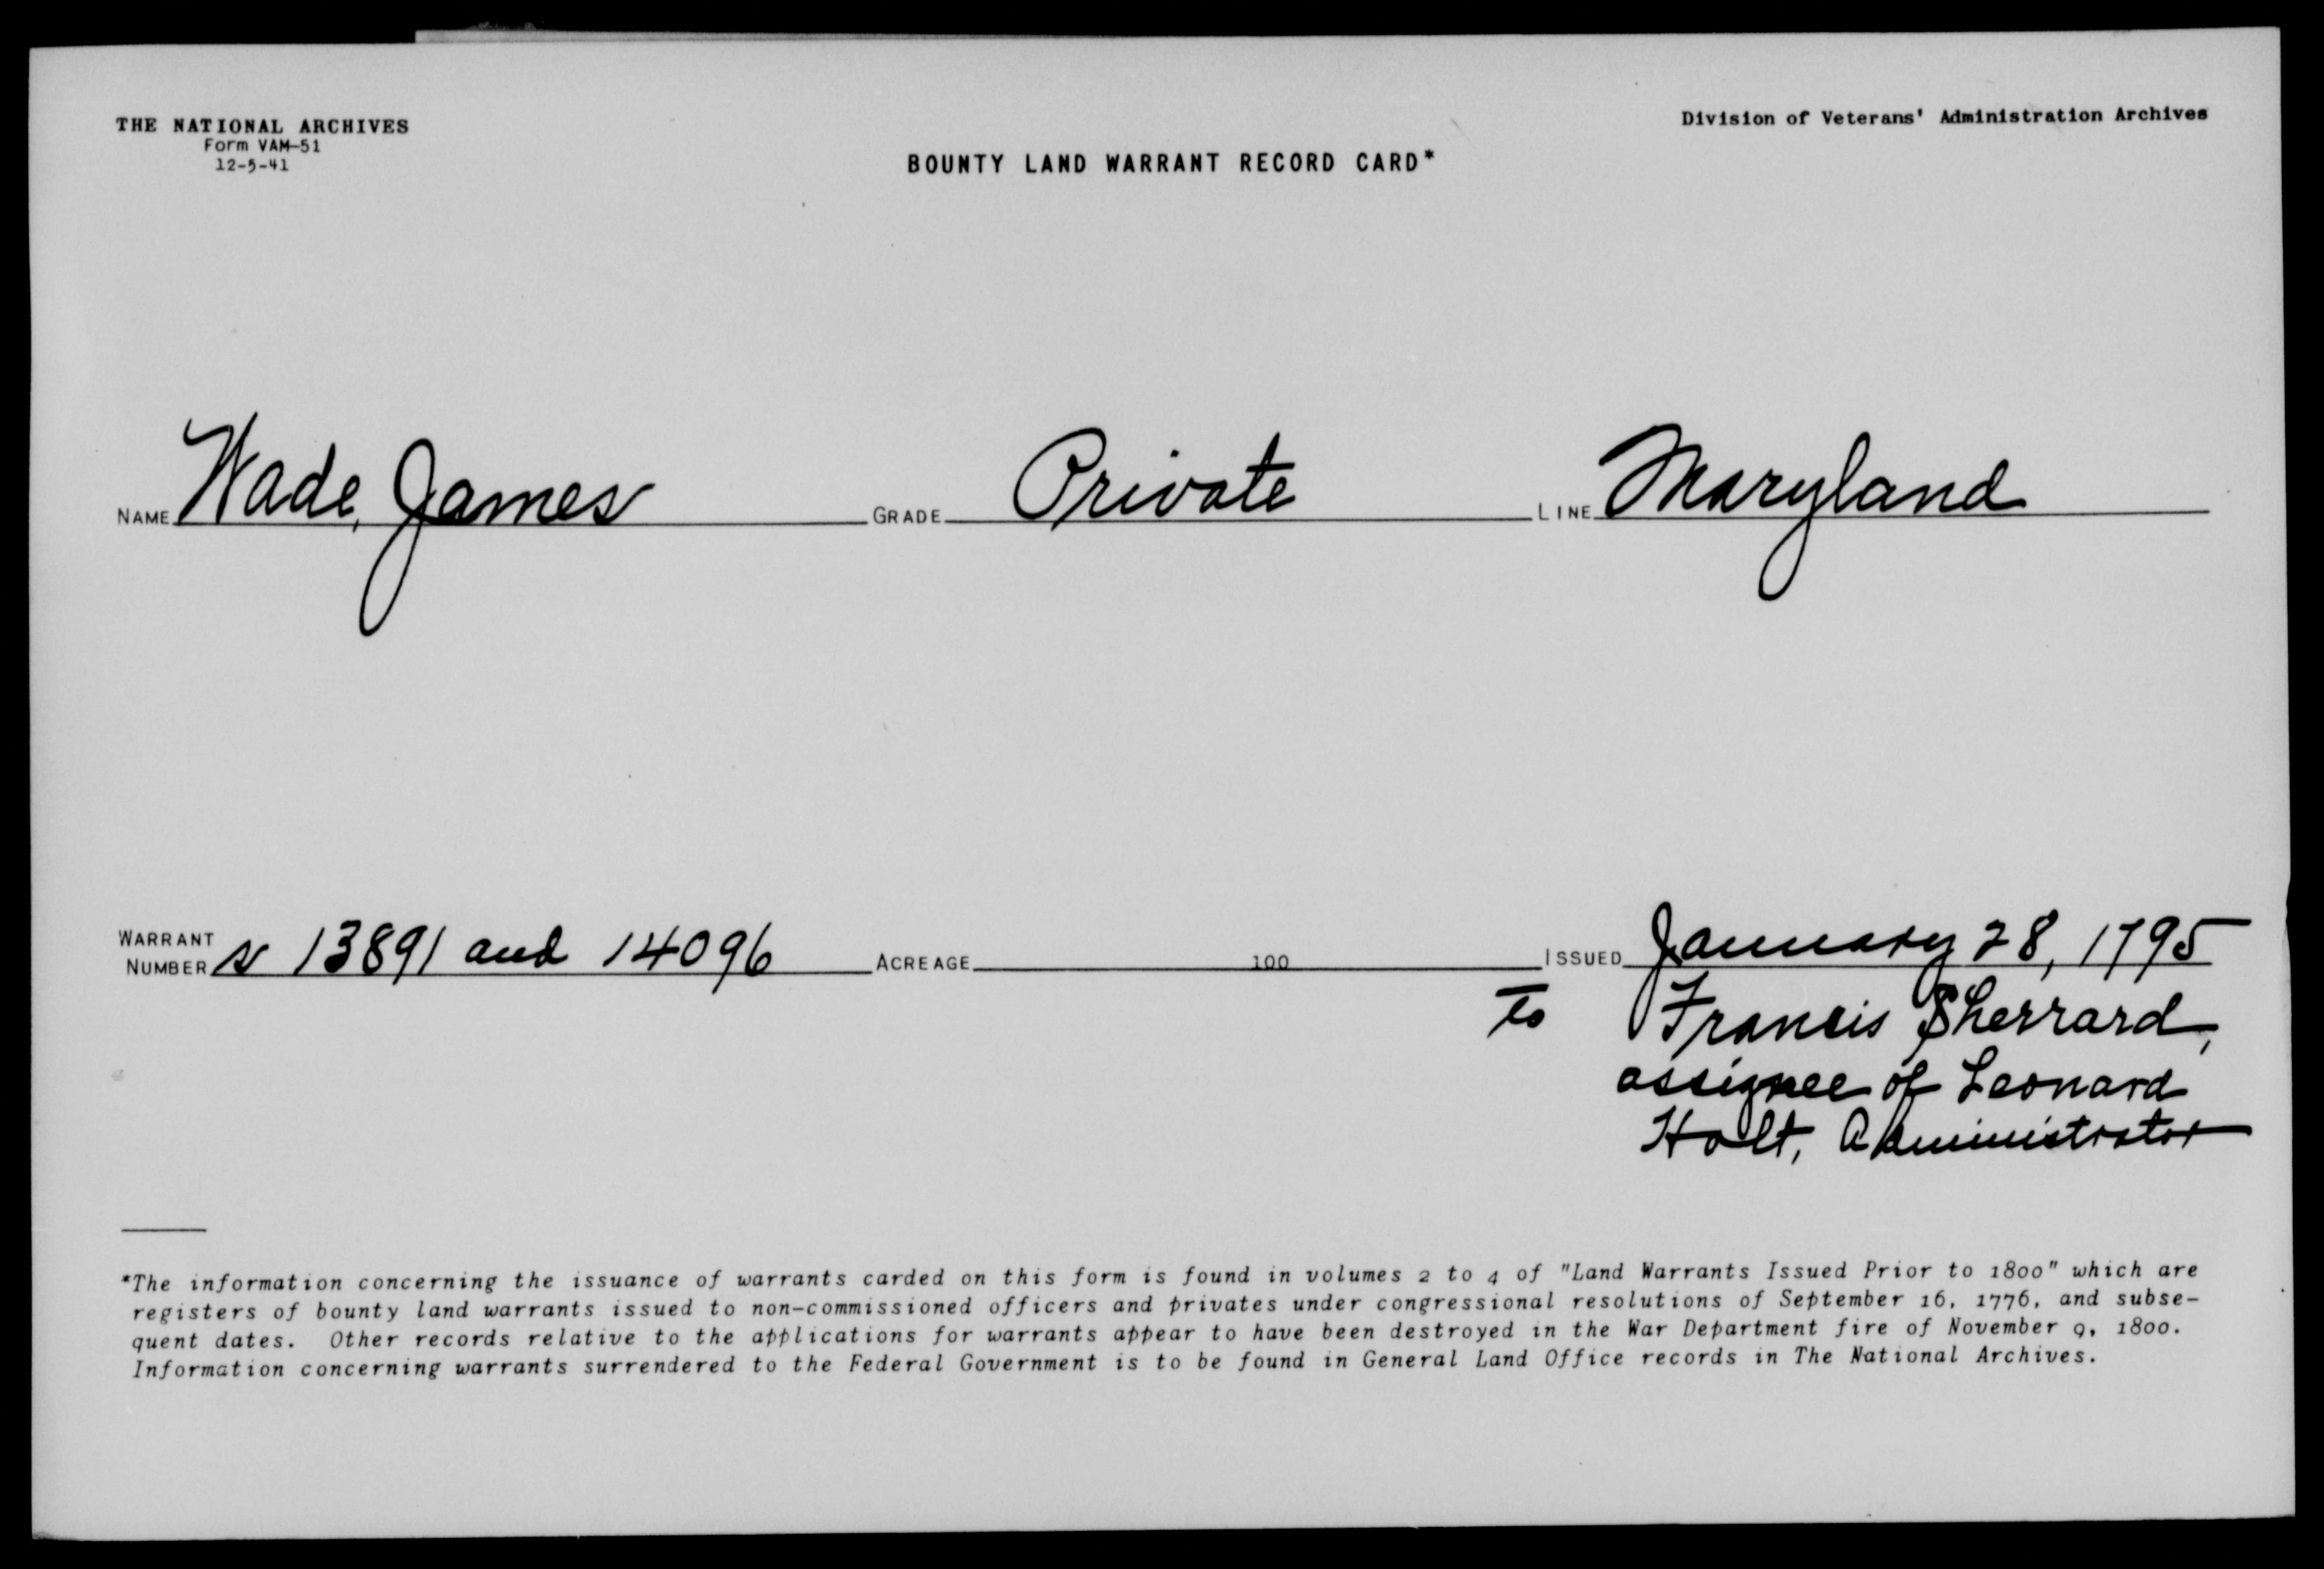THE NATIONAL ARCHIVES
Form VAM-51
12-5-41


BOUNTY LAND WARRANT RECORD CARD*

Division of Veteran's Administration Archives

[this card has nothing to do with this file of Jacob Wade, S.41290]

NAME Wade, James
GRADE Private
LINE Maryland

WARRANT NUMBER s 13891 and 14096
ACREAGE 100
ISSUED January 28, 1795
Francis Sherrard, assignee of Leonard Holt, Administrator

*The information concerning the issuance of warrants carded on this form is found in volumes 2 to 4 of "Land Warrants Issued Prior to 1800" which are registers of bounty land warrants issued to non-commissioned officers and privates under congressional resolutions of September 16, 1776, and subsequent dates.  Other records relative to the applications for warrants appear to have been destroyed in the War Department fire of November 9, 1800.  Information concerning warrants surrendered to the Federal Government is to be found in General Land Office records in The National Archives.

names: Leonard Holt, James Wade, Francis Sherrard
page: 9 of 10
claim: survivor's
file: S. 41290, Jacob Wade, Va.